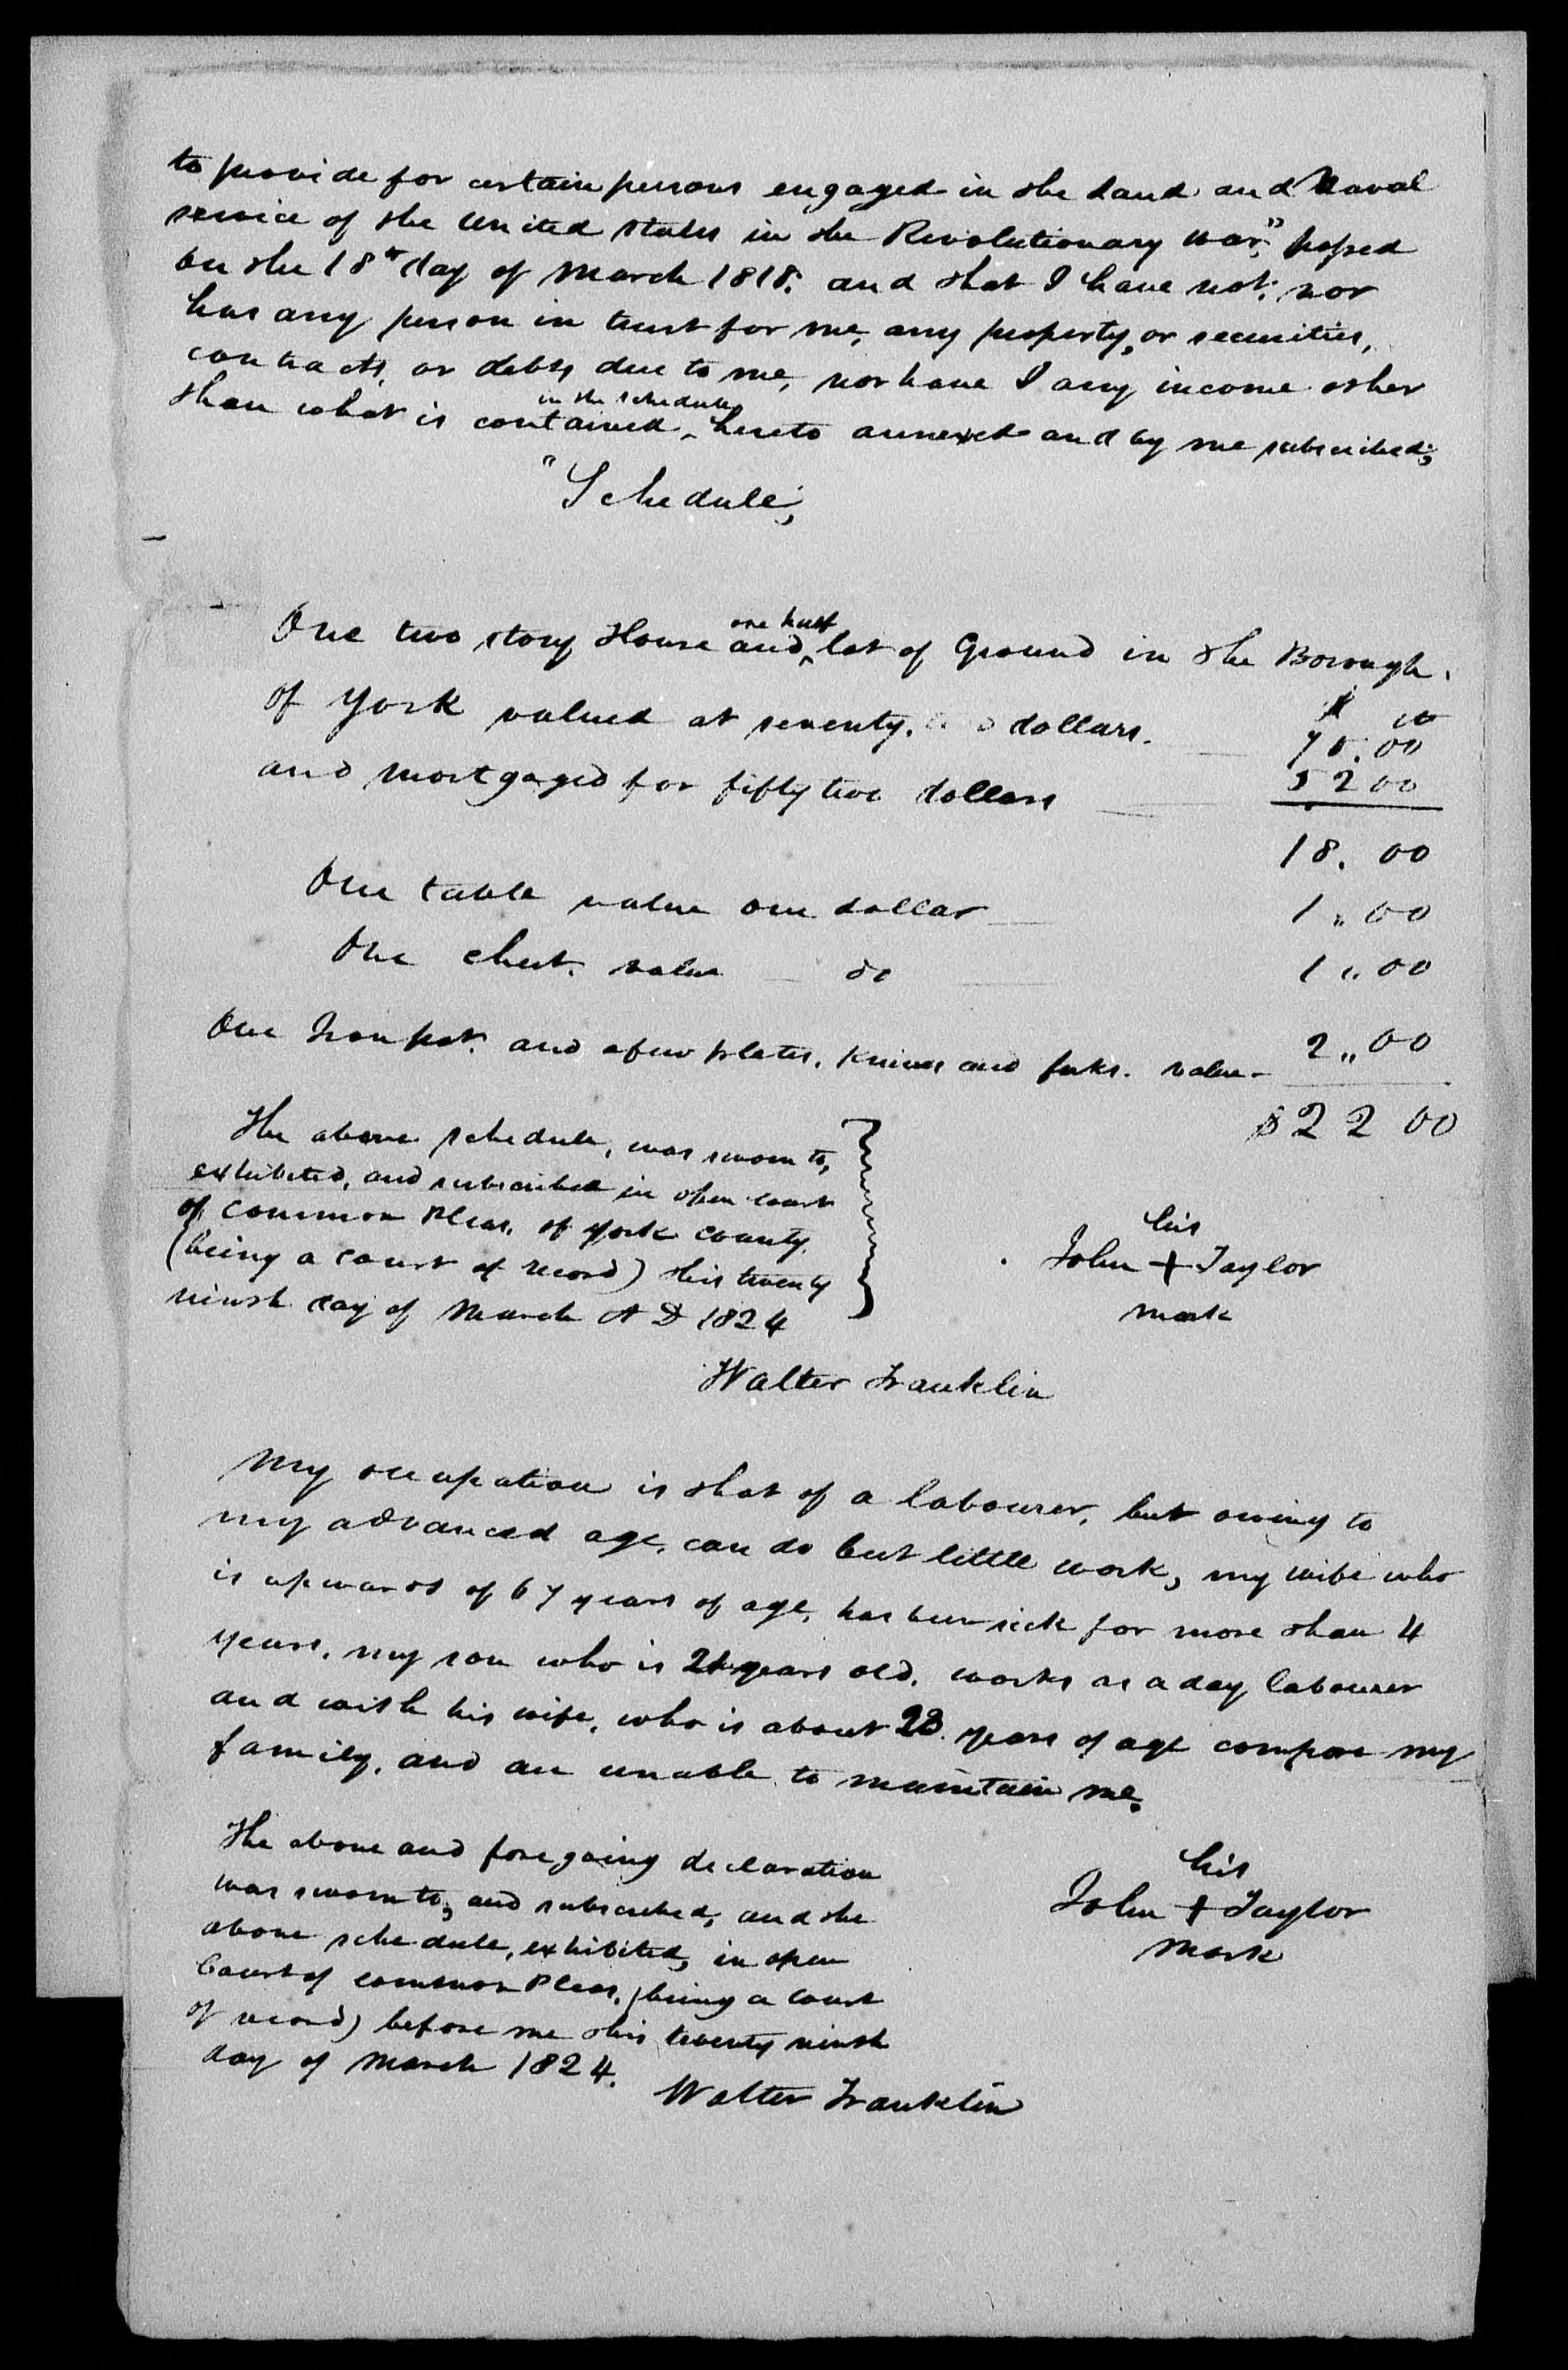to provide for certain persons engaged in the land and Naval service of the United States in the Revolutionary War "passed on the 18th day of March 1818, and that I have not, nor has any person in trust for me any property or securities, contracts or debts due to me, nor have I any income other than what is contained in the schedule hereto annexed and by me subscribed, 

"Schedule"

One two story house and one half lot of ground in the Borough of York valued at seventy. dollars.                                                   $70.00
and mortgaged for fifty two dollars      52.00
                                                                 ---------
                                                                   18.00

One table value one dollar                        1.00
One chest value.                                        1.00
One Iron pot and a few plates
knives and forks value                               2.00
                                                           _________
                                                              $22.00

his John X Taylor mark

The above schedule was sworn to, exhibited, and subscribed in open court of common pleas. of York county (being a court of record) this twenty ninth day of March AD 1824

Walter Franklin

My occupation is that of a laborer, but owing to my advance age, can do but little work, my wife who is upwards of 67 years of age, has been sick for more than 4 years, my son who is 24 years old, works as a day laborer and with his wife, who is about 23 years of age compose my family and are unable to maintain me. 

his John X Taylor mark

The above and foregoing declaration was sworn to , and subscribed and the above schedule exhibited, in open court of common pleas, being a court of record, before me this twenty ninth day of March 1824. 
Walter Franklin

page: 8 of 9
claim: survivor's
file: S. 40,555, for John Taylor, New Jersey